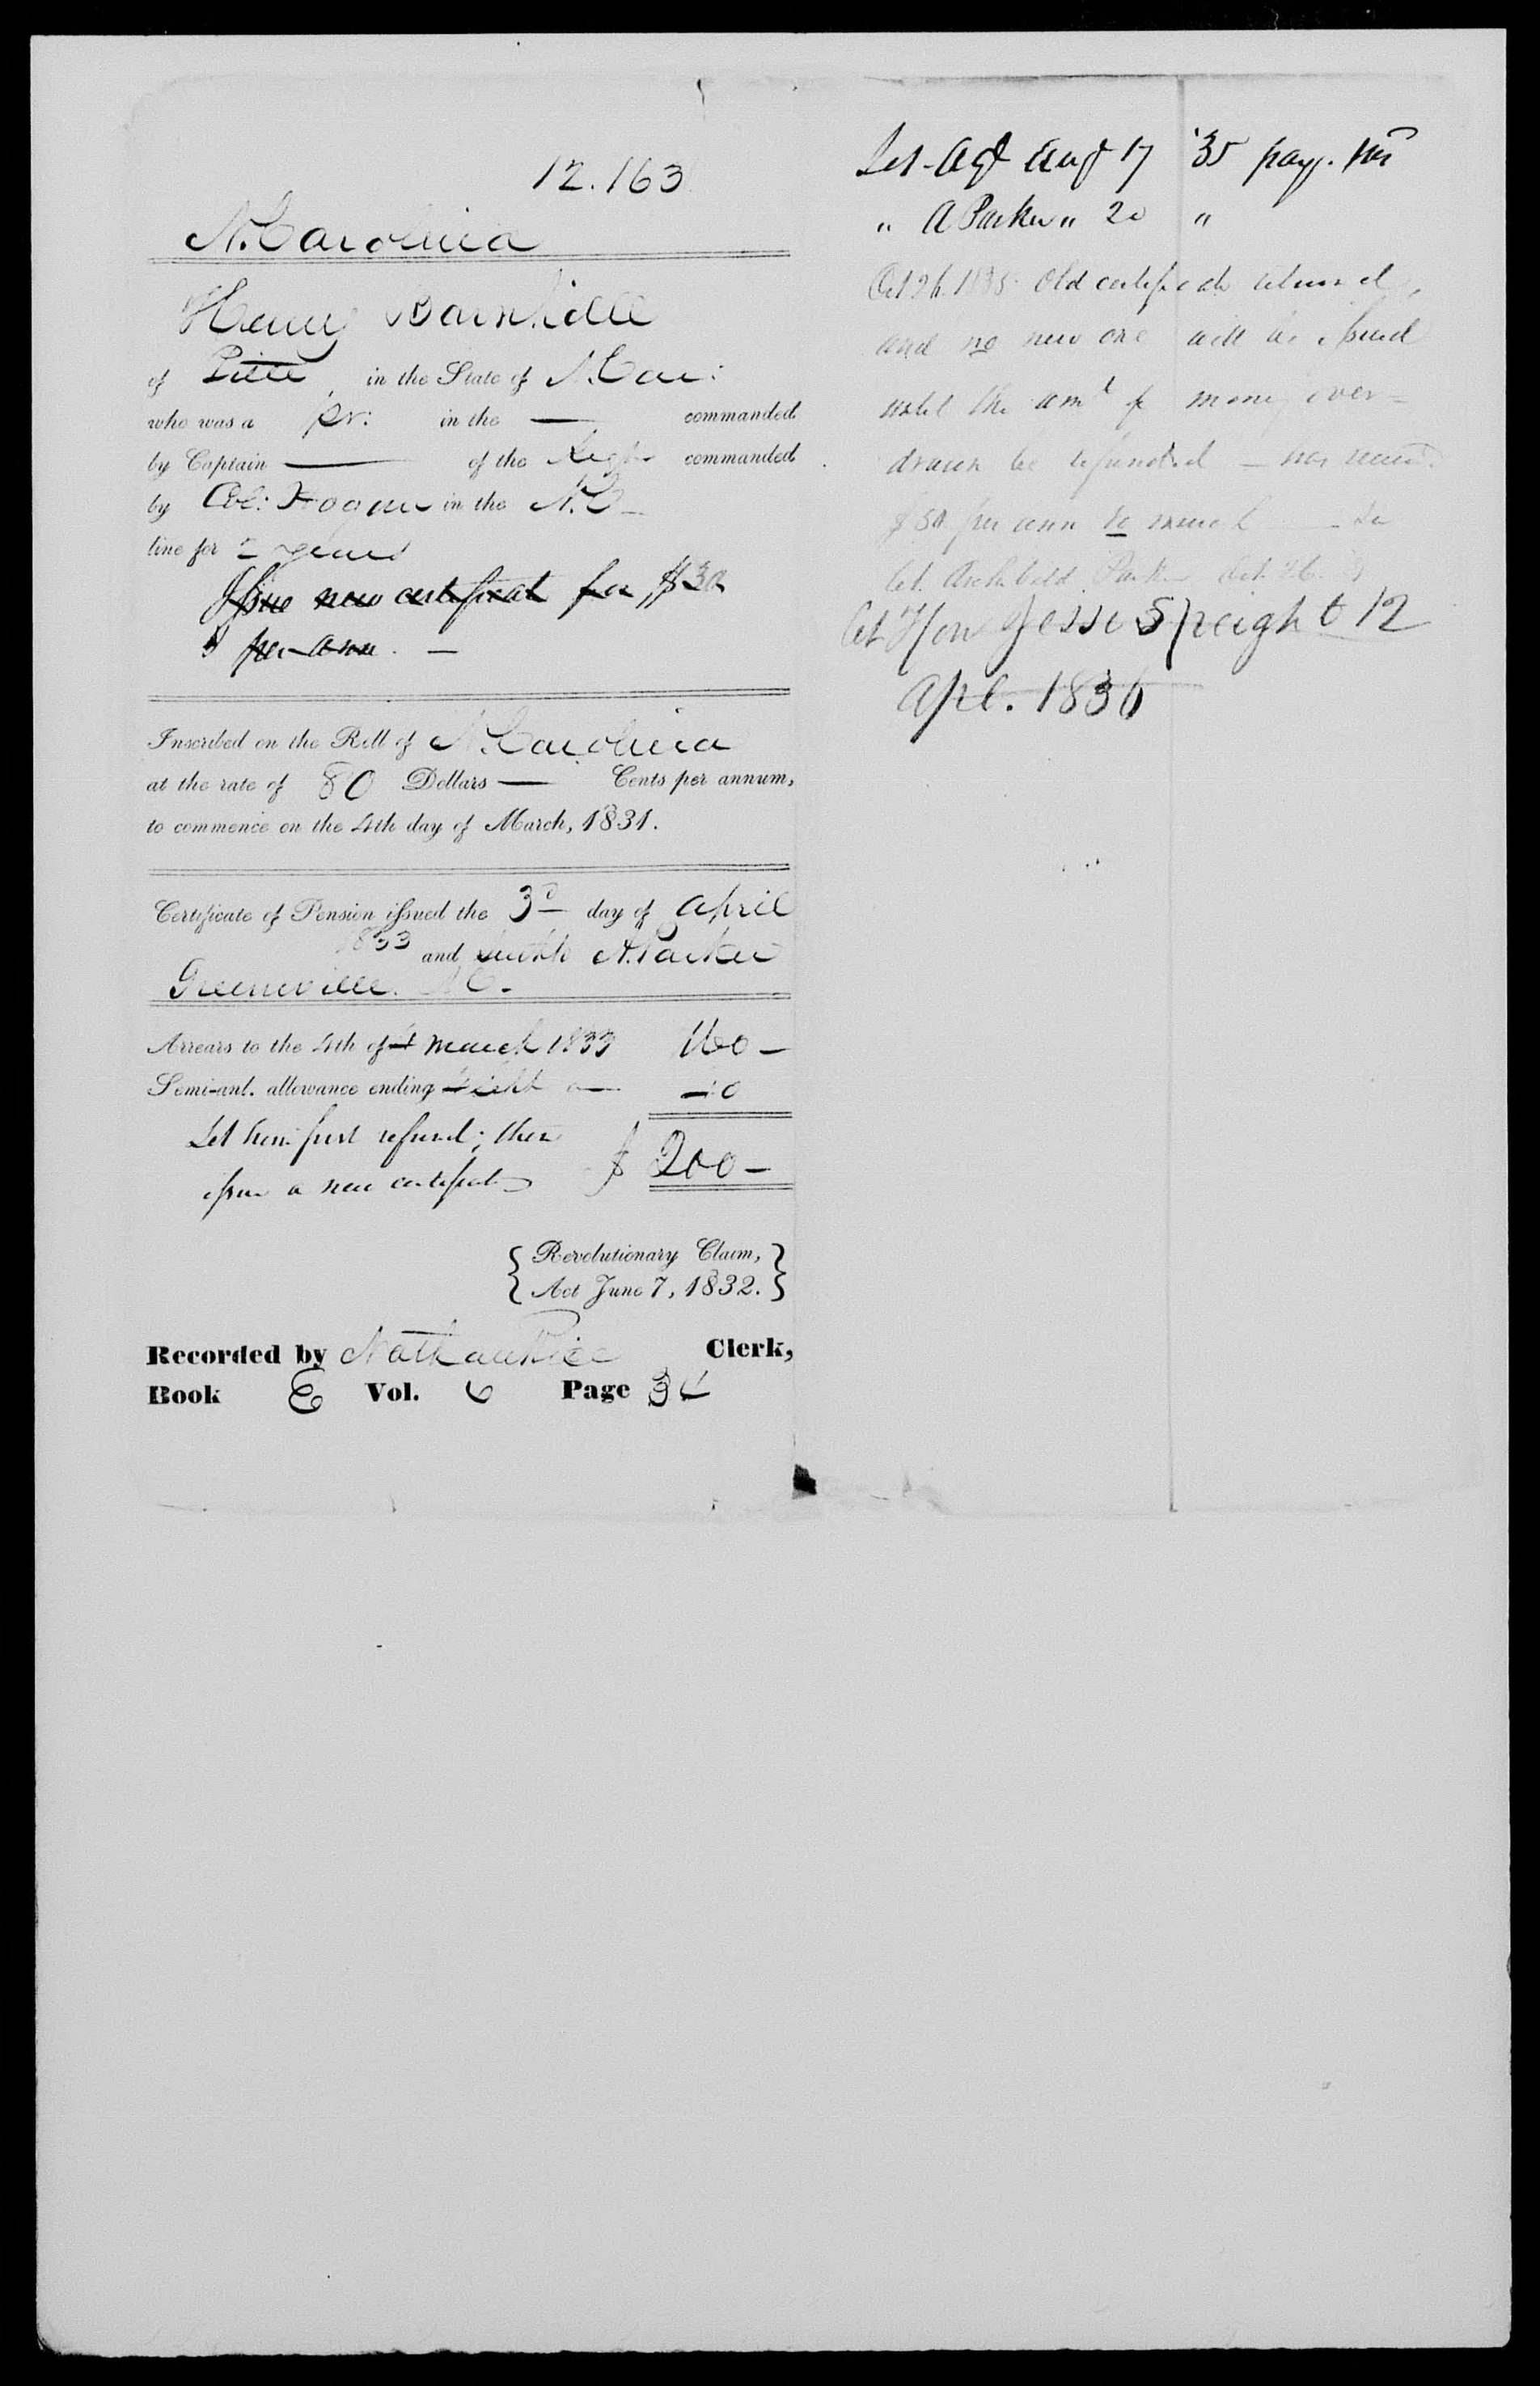12.163
N. Carolina
_________________
Henry Barnhill
of Pitt in the State of N.Car: who was a pr: in the - commanded by Captain - of the Regt commanded by Col: Hogan in the N.C- line for 2 years
[crossed out: Issue new certificate for $30 per ann.]
______________________
Inscribed on the Roll of N. Carolina at the rate of 80 Dollars -- Cents per annum, to commence on the 4th day of March, 1831.
__________________
Certificate of Pension issued the 3d day of April 1833 and Sent to A. Parker Greeneville. NC.
______________
Arrears to the 4th of 4 March 1833   160-
Semi-anl. allowance ending -Sept-     40-
Let him part refund; then __________
open a new certificate   $200-
__________
{Revolutionary Claim, Act June 7, 1832. }

Recorded by Nathan Rice Clerk,
Book   E    Vol. 6    Page 34



Let-Agt Aug 17 '35 pay. per 
"  A Parker " 20 "

Oct 26. 1835 Old certificate returned and [underlined] no new one will be issued until the act of money over drawn be refunded - has received $50 per ann [underlined] to [sic] much ____ Sent let. Archibald Parker Oct. 26

At Hon Jesse Speight 12 Apl. 1836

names: A Parker, Hogan, Jesse Speight, Henry Barnhille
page: 2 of 42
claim: survivor's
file: S. 6579, Henry Barnhill, N. C.